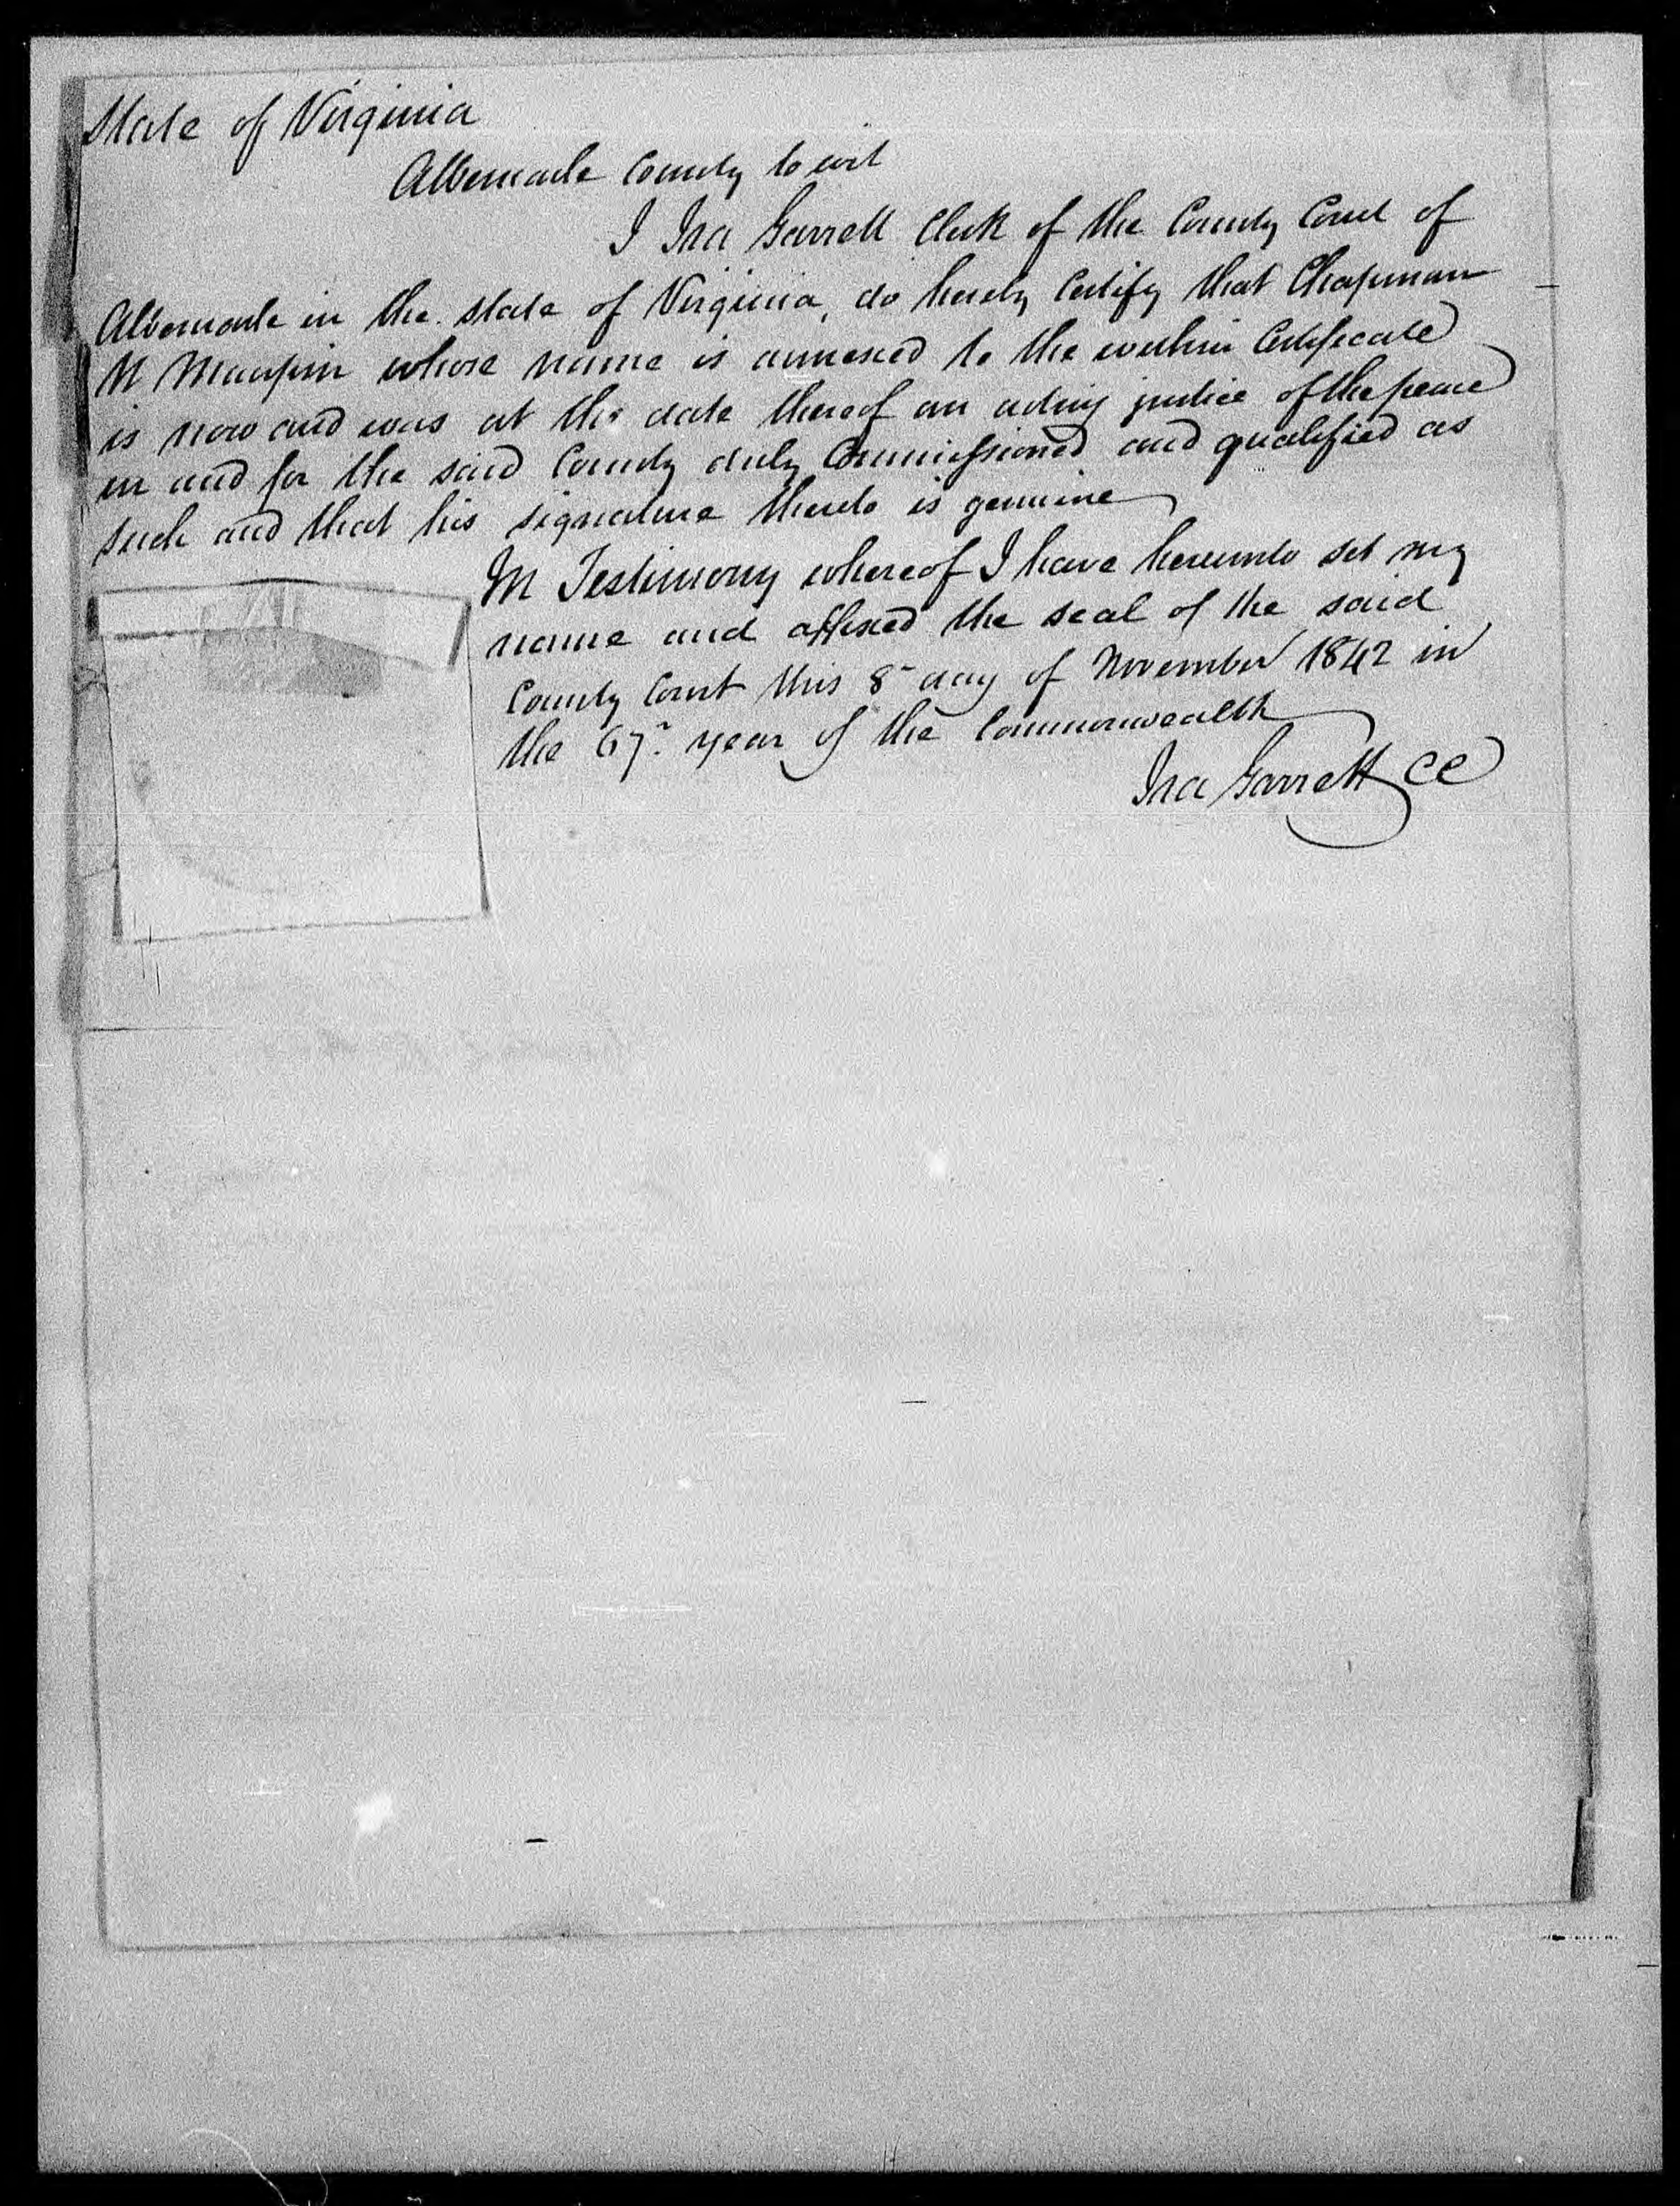State of Virginia
Albermarle County Court
  I Ira Garrell Clerk of the County Court of
Albermarle in the State of Virginia, so hereby Certify that Chapman
W. Maupin whose name is annexed to the within Certificate
is now and was at the date thereof an acting justice of the peace
in and for the said County duly Commissioned and qualified as
such and that his signature hereto is genuine.
In Testimony whereof I have hereunto set my
name and affixed the seal of the said
County Court this 8 day of November 1842 in
the 67th year of the Commonwealth
Ira Garrett CC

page: 25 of 28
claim: widow's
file: W. 5112, for Samuel Jamieson, Virginia